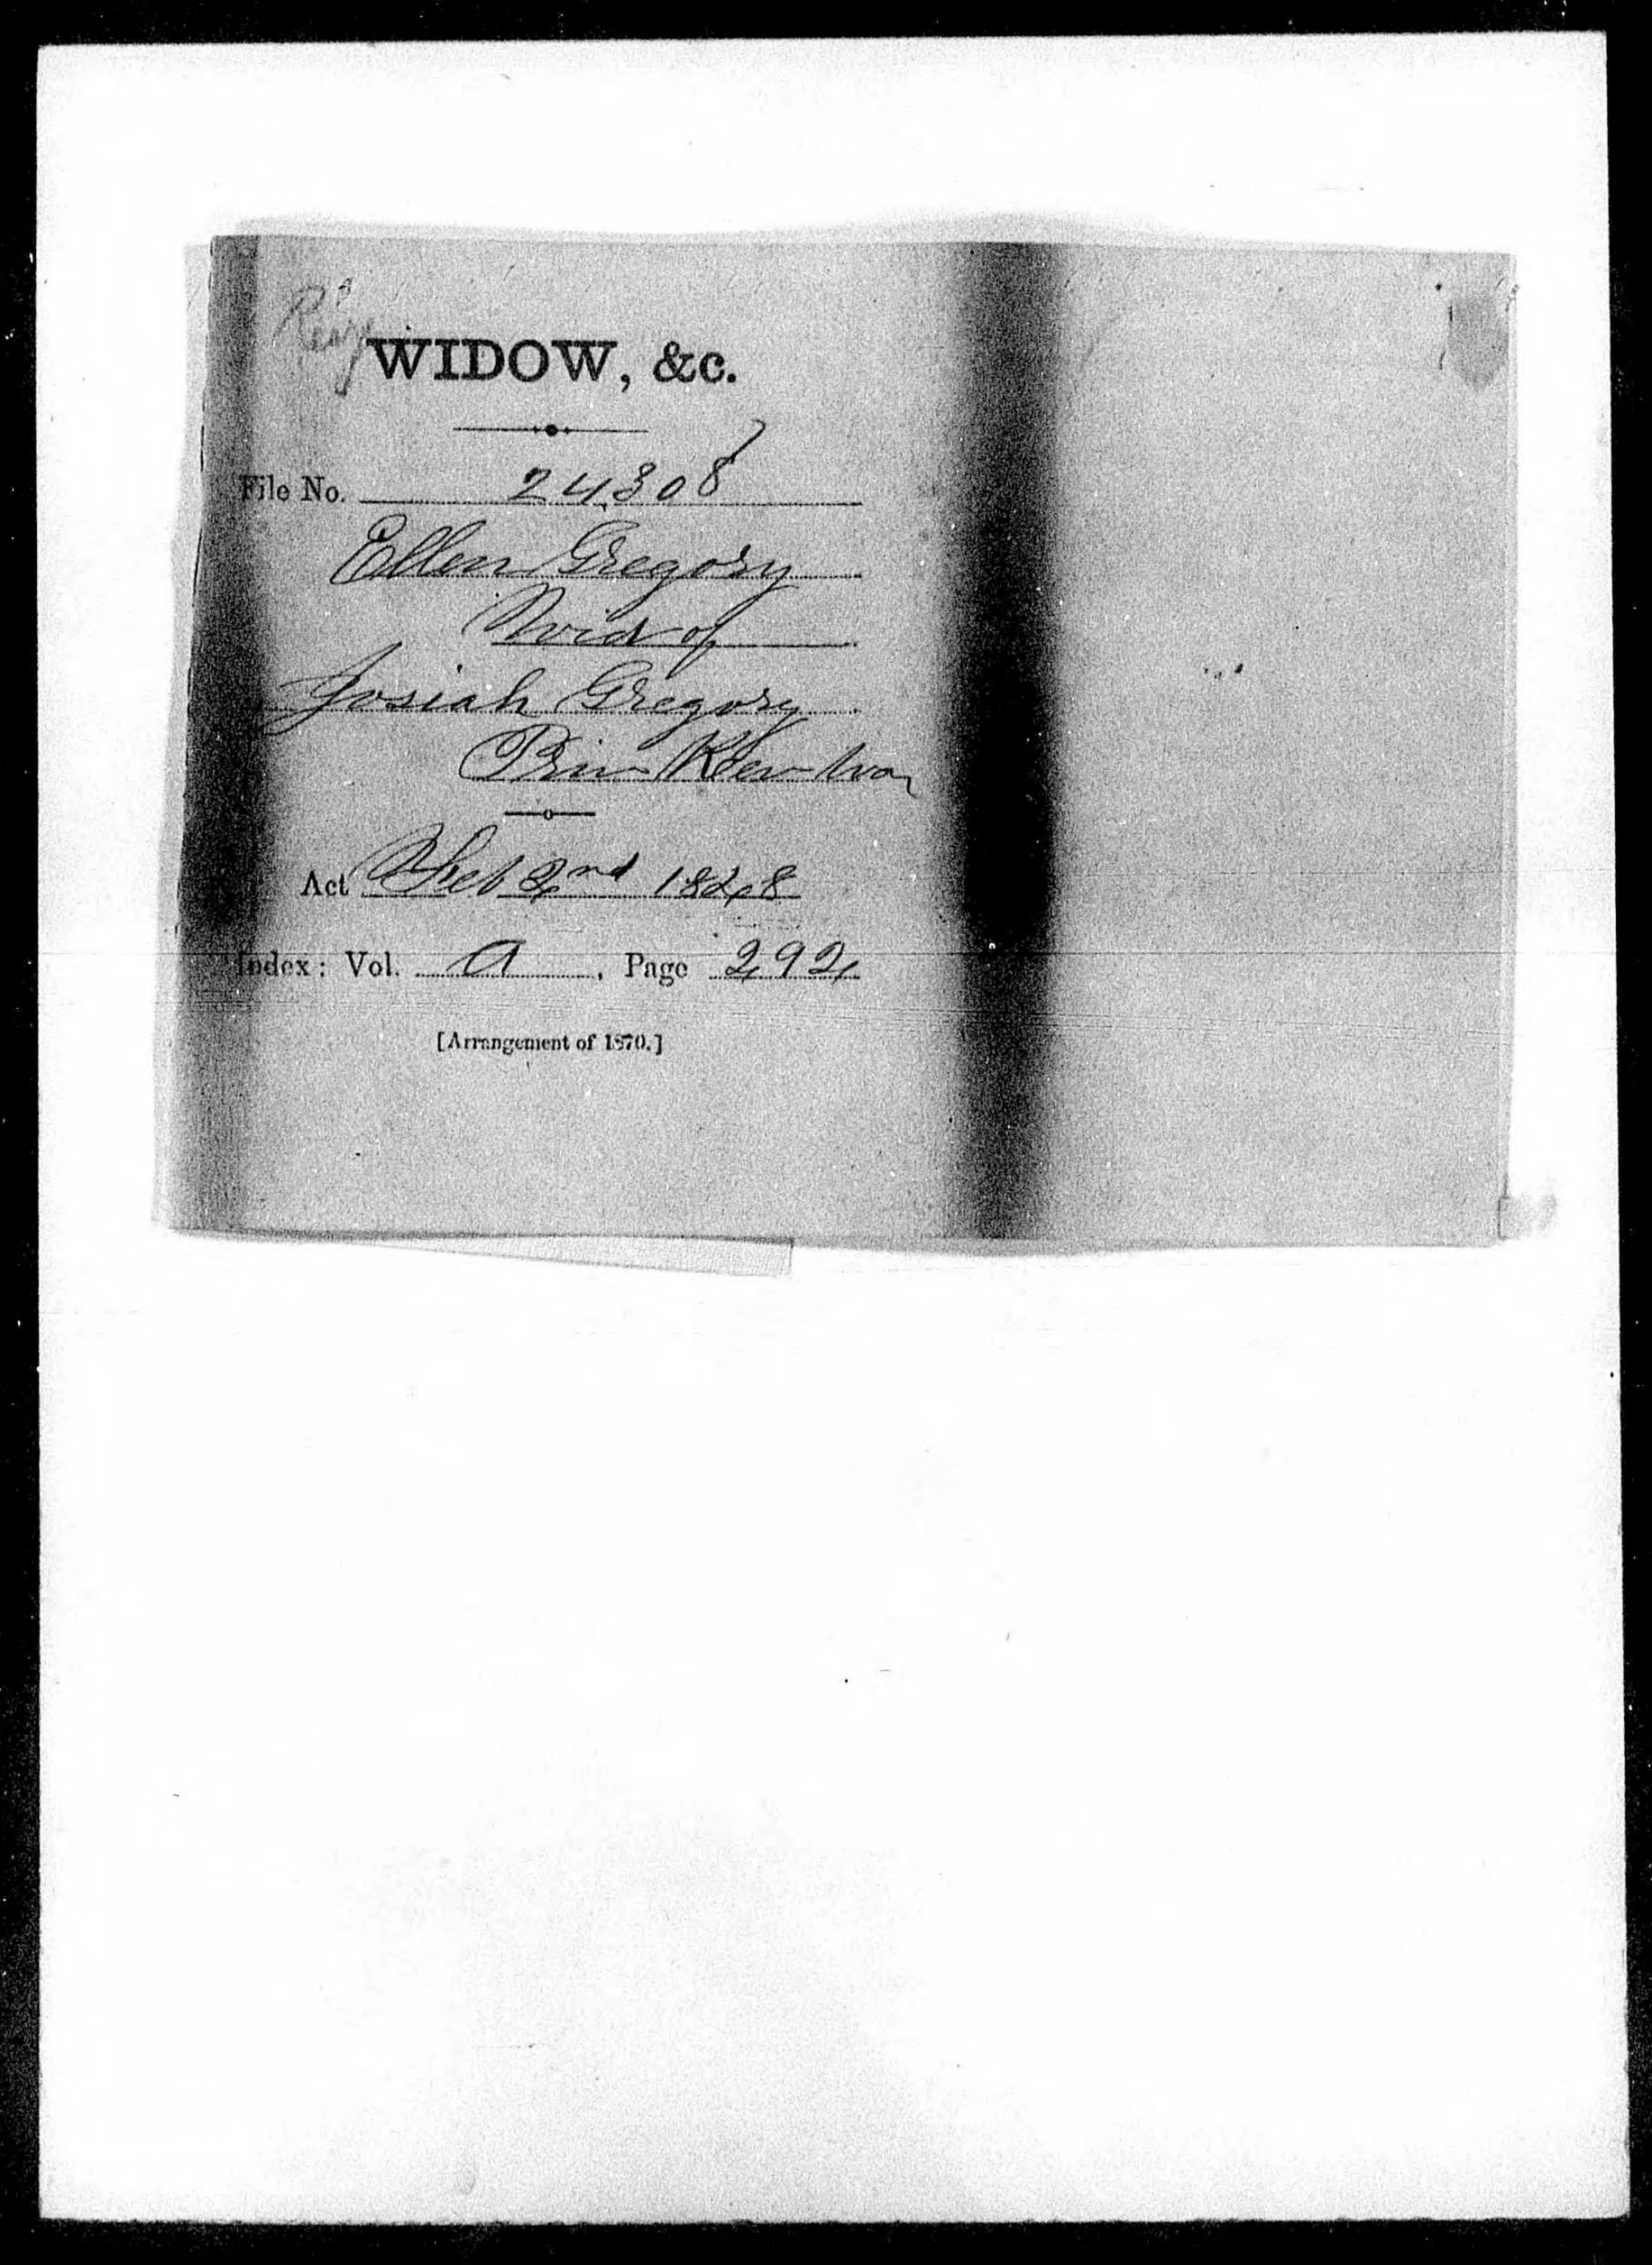Revy   WIDOW, etc.
  File No. 24,308
   Ellen Gregory
   Widow of
 Josiah Gregory
    Priv Rev War

Act  Feb 2nd 1848

Index:  Vol. A, Page 292
 [Arragement of 1870.]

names: Josiah Gregory, Ellen Gregory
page: 21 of 49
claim: widow's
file: W 24308, Josiah Gregory, Conn.